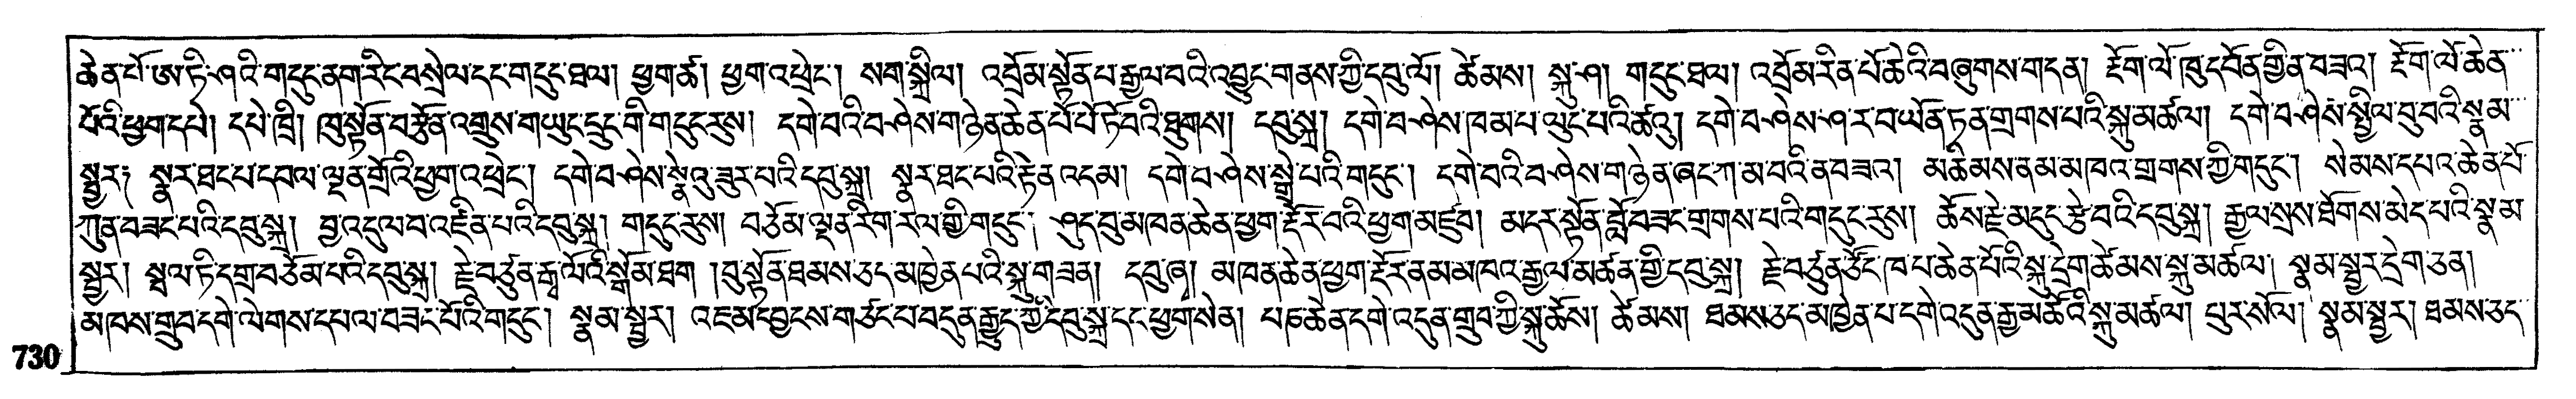ཆེན་པོ་ཨ་ཏི་ཤའི་གདུང་ནག་རིང་བསྲེལ་དང་གདུང་ཐལ། ཕྱག་ཚ། ཕྱག་འཕྲེང་། སག་སྒྲིལ། འབྲོམ་སྟོན་པ་རྒྱལ་བའི་འབྱུང་གནས་ཀྱི་དབུ་ལོ། ཚེམས། སྐུ་ཤ། གདུང་ཐལ། འབྲོམ་རིན་པོ་ཆེའི་བཞུགས་གདན། རྡོག་ལོ་ཁུ་དཔོན་གྱིན་བཟའ། རྡོག་ལོ་ཆེན་
པོའི་ཕྱག་དཔེ། དཔེ་ཁྲི། ཁུ་སྟོན་བརྩོན་འགྲུས་གཡུང་དྲུང་གི་གདུང་རུས། དགེ་བའི་བཤེས་གཉེར་ཆེན་པོ་པོ་ཏོ་བའི་ཐུགས། དབུ་སྐྲ། དགེ་བཤེས་ཁམ་པ་ལུང་པའི་ཆའུ། དགེ་བཤེས་ཤར་བ་ཡོན་ཏན་གྲགས་པའི་སྐུ་མཚལ། དགེ་བཤེས་སྤྱིལ་པུ་པའི་སྣམ་
སྦྱར། སྣར་ཐང་པ་དཔལ་ལྡན་གྲོའི་ཕྱག་འཕྲེང་། དགེ་བཤེས་སྣེའུ་ཟུར་པའི་དབུ་སྐྲ། སྣར་ཐང་པའི་རྟེན་འདམ། དགེ་བཤེས་སྒྲེ་པའི་གདུང་། དགེ་བའི་བཤེས་གཉེན་ཞང་ཀ་མ་བའི་ན་བཟའ། མཆིམས་ནམ་མཁའ་གྲགས་ཀྱི་གདུང་། སེམས་དཔའ་ཆེན་པོ་
ཀུན་བཟང་པའི་དབུ་སྐྲ། བྱ་འདུལ་བ་འཛིན་པའི་དབུ་སྐྲ། གདུང་རུས། བཅོམ་ལྡན་རིག་རལ་གྱི་གདུང་། ཤུད་པུ་མཁན་ཆེན་ཕྱག་རྡོར་བའི་ཕྱག་མཛུབ། མངར་སྟོན་བློ་བཟང་གྲགས་པའི་གདུང་རུས། ཆོས་རྗེ་མདུང་རྩེ་བའི་དབུ་སྐྲ། རྒྱལ་སྲས་ཐོགས་མེད་པའི་སྣམ་
སྦྱར། སྦལ་ཏི་དགྲ་བཅོམ་པའི་དབུ་སྐྲ། རྗེ་བཙུན་རྒྭ་ལོའི་སྒོམ་ཐག །བུ་སྟོན་ཐམས་ཅད་མཁྱེན་པའི་སྐུ་གཟན། དབུ་ཞྭ། མཁན་ཆེན་ཕྱག་རྡོར་ནམ་མཁའ་རྒྱལ་མཚན་གྱི་དབུ་སྐྲ། རྗེ་བཙུན་ཙོང་ཁ་པ་ཆེན་པོའི་སྐུ་དྲེག་ཚེམས་སྐུ་མཚལ། སྣམ་སྦྱར་དྲེག་ཅན།
མཁས་གྲུབ་དགེ་ལེགས་དཔལ་བཟང་པོའི་གདུང་། སྣམ་སྦྱར། འཇམ་དབྱངས་གཙང་པ་བདུན་རྒྱུད་ཀྱི་དབུ་སྐྲ་དང་ཕྱག་སེན། པཎ་ཆེན་དགེ་འདུན་གྲུབ་ཀྱི་སྐུ་ཆོས། ཚེམས། ཐམས་ཅད་མཁྱེན་པ་དགེ་འདུན་རྒྱ་མཚོའི་སྐུ་མཚལ། བུར་སོལ། སྣམ་སྦྱར། ཐམས་ཅད་